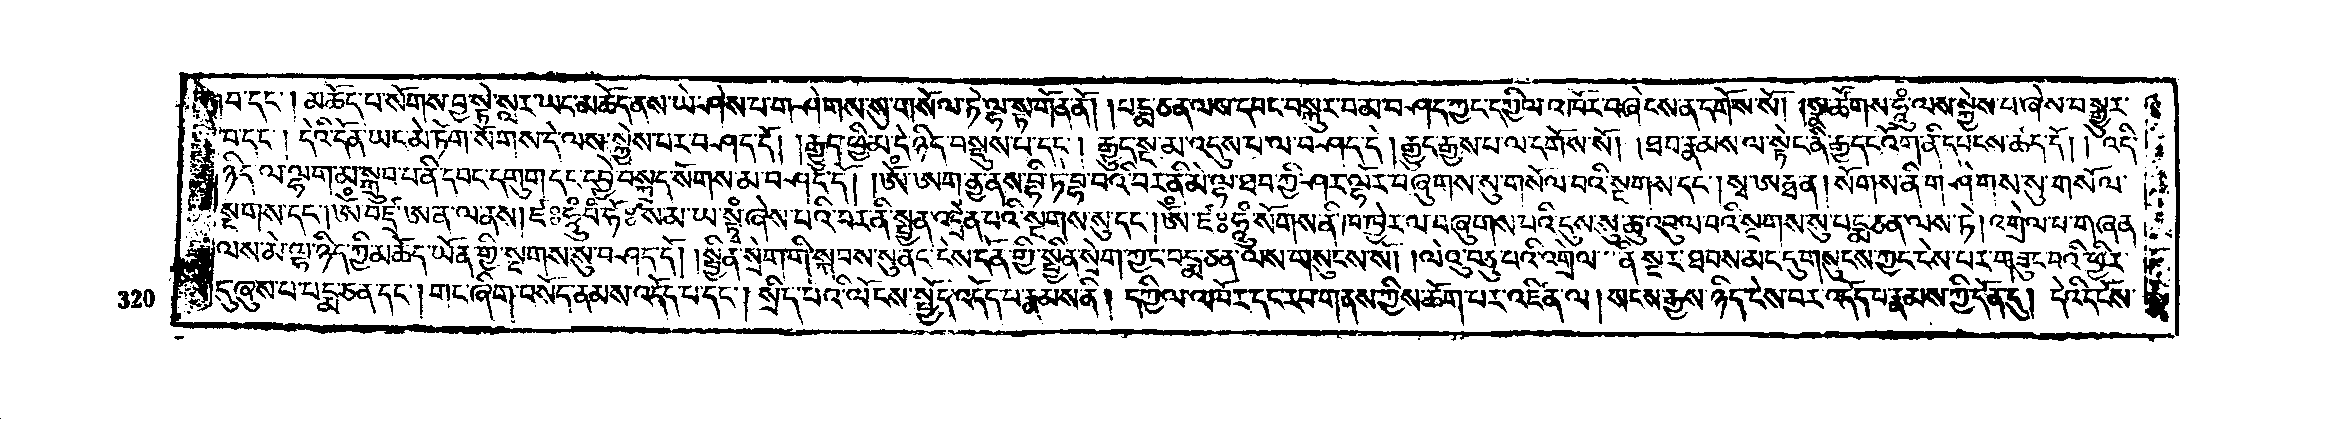བ་དང་། མཆོད་པ་སོགས་བྱ་སྟེ་སླར་ཡང་མཆོད་ནས་ཡེ་ཤེས་པ་གཤེགས་སུ་གསོལ་ཏེ་ལྷ་སྟེ་གོན་ནོ། །པདམ་ཅན་ལས་དབང་བསྐུར་བ་མ་བཤད་ཀྱང་དཀྱིལ་འཁོར་བཞེངས་ན་དགོས་སོ། །སྣ་ཚོགས་ཧཱུཾ་ལས་སྐྱེས་པ་ཞེས་བསྒྱུར་
བ་དང་། དེའི་དོན་ཡང་མེ་ཏོག་སོགས་དེ་ལས་སྐྱེས་པར་བཤད་དོ། །རྒྱུད་ཕྱི་མ་དེ་ཉིད་བསྡུས་པ་དང་། རྒྱུད་སྔ་མ་འདུས་པ་ལ་བཤད་དེ། རྒྱུད་རྒྱས་པ་ལ་དགོས་སོ། །ཐབ་རྣམས་ལ་སྟེང་ནི་རྒྱ་དང་འོག་ནི་དཔངས་ཚད་དོ། །འདི་
ཉིད་ལ་ལྷག་མ་སྒྲུབ་པ་ནི་དབང་དགུག་དང་དབྱེ་བསྐྲད་སོགས་མ་བཤད་དོ། །ཨོཾ་ཨག་ནཡ་ནས་བྷི་ཏེ་བྷ་བའི་བར་ནི་མེ་ལྷ་ཐབ་ཀྱི་ཤར་ལྷོར་བཞུགས་སུ་གསོལ་བའི་སྔགས་དང་། སྭ་ཨརྠ་ན། སོགས་ནི་གཤེགས་སུ་གསོལ་
སྔགས་དང་། ཨོཾ་བཛྲ་ཨ་ན་ལ་ནས། ཛཿ ཧཱུཾ་བཾ་ཧོཿ ས་མ་ཡ་སྟྭཾ་ཞེས་པའི་བར་ནི་སྤྱན་འདྲེན་པའི་སྔགས་སུ་དང་། ཨོཾ་ཛཿ ཧཱུཾ་སོགས་ནི་ཁ་ཁྱེར་ལ་བཞུགས་པའི་དུས་སུ་ཆུ་འབུལ་བའི་སྔགས་སུ་པདམ་ཅན་ལས་ཏེ། འགྲེལ་བ་གཞན་
ལས་མེ་ལྷ་ཉིད་ཀྱི་མཆོད་ཡོན་གྱི་སྔགས་སུ་བཤད་དོ། །སྦྱིན་སྲེག་གི་སྐབས་སུ་ནང་ངེས་དོན་གྱི་སྦྱིན་སྲེག་ཀྱང་པདམ་ཅན་ལས་གསུངས་སོ། ལེའུ་བཅུ་པའི་འགྲེལ་ནི་སྔར་ཐབས་མང་དུ་གསུངས་ཀྱང་ངེས་པར་གཟུང་བའི་ཕྱིར་
དུ་ཞུས་པ་པདམ་ཅན་དང་། གང་ཞིག་བསོད་ནམས་འདོད་པ་དང་། སྲིད་པའི་ལོངས་སྤྱོད་འདོད་པ་རྣམས་ནི། དཀྱིལ་འཁོར་དང་རབ་གནས་ཀྱིས་ཆོག་པར་འཛིན་ལ། སངས་རྒྱས་ཉིད་ངེས་པར་འདོད་པ་རྣམས་ཀྱི་དོན་དུ། དེའི་དངོས་